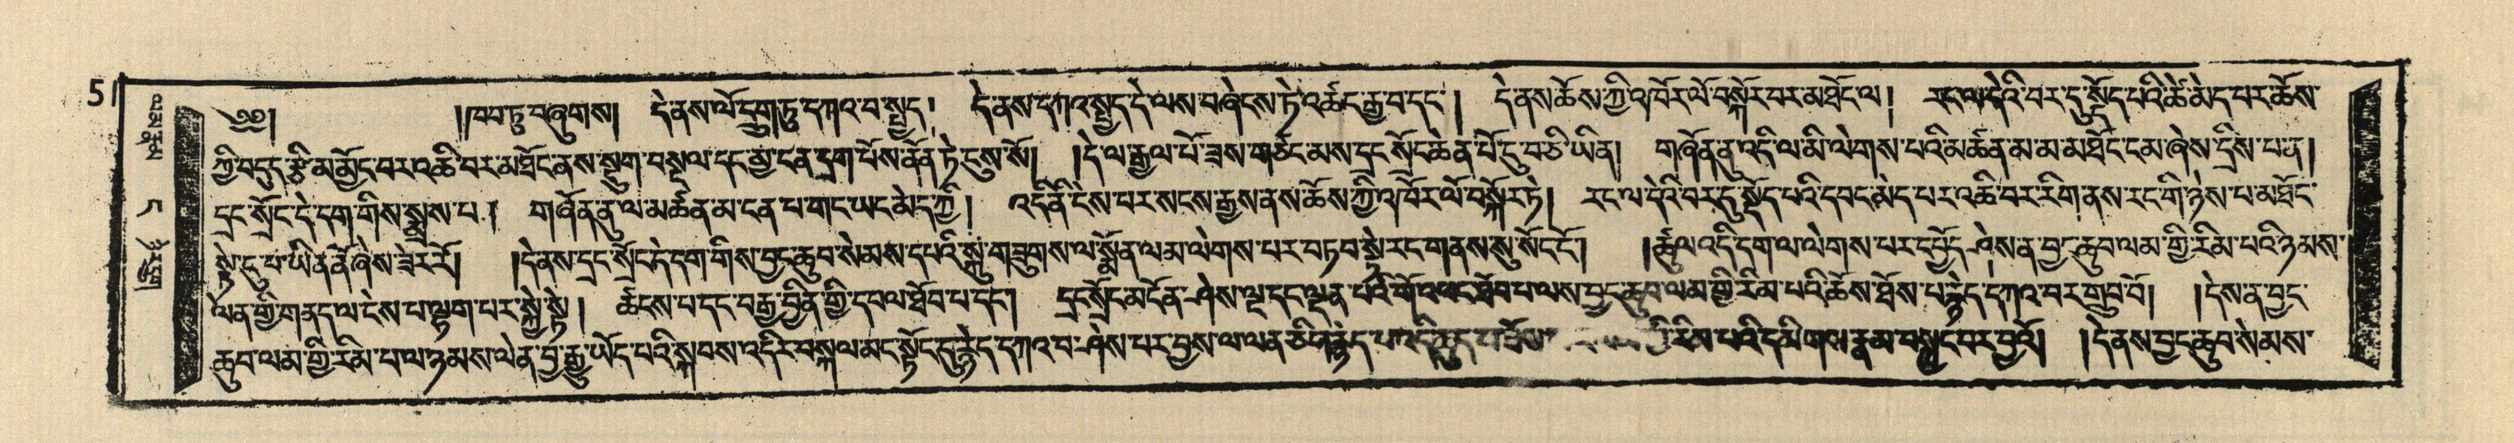༄༅། །ཁབ་ཏུ་བཞུགས། དེ་ནས་ལོ་དྲུག་ཏུ་དཀའ་བ་སྤྱད། དེ་ནས་དཀའ་སྤྱད་དེ་ལས་བཞེངས་ཏེ་འཚང་རྒྱ་བ་དང་། དེ་ནས་ཆོས་ཀྱི་འཁོར་ལོ་བསྐོར་བར་མཐོང་ལ། རང་ལ་དེའི་བར་དུ་སྡོད་པའི་ཚེ་མེད་པར་ཆོས་
ཀྱི་བདུད་རྩི་མ་མྱོང་བར་འཆི་བར་མཐོང་ནས་སྡུག་བསྔལ་དང་མྱ་ངན་དྲག་པོས་ནོན་ཏེ་ངུས་སོ། །དེ་ལ་རྒྱལ་པོ་ཟས་གཙང་མས་དྲང་སྲོང་ཆེན་པོ་དུ་བཅི་ཡིན། གཞོན་ནུ་འདི་ལ་མི་ལེགས་པའི་མཚན་མ་མ་མཐོང་ངམ་ཞེས་དྲིས་པ་ན།
དྲང་སྲོང་དེ་དག་གིས་སྨྲས་པ། གཞོན་ནུ་ལ་མཚན་མ་ངན་པ་གང་ཡང་མེད་ཀྱི། འདི་ནི་ངེས་པར་སངས་རྒྱས་ནས་ཆོས་ཀྱི་འཁོར་ལོ་བསྐོར་ཏེ། རང་ལ་དེའི་བར་དུ་སྡོད་པའི་དབང་མེད་པར་འཆི་བར་རིག་ནས་རང་གི་ཉེས་པ་མཐོང་
སྟེ་དུ་པ་ཡིན་ནོ་ཞེས་ཟེར་རོ། །དེ་ནས་དྲང་སྲོང་དེ་དག་གིས་བྱང་ཆུབ་སེམས་དཔའི་སྐུ་གཟུགས་ལ་སྨོན་ལམ་ལེགས་པར་བཏབ་སྟེ་རང་གནས་སུ་སོང་ངོ། །ཚུལ་འདི་དག་ལ་ལེགས་པར་དཔྱོད་ཤེས་ན་བྱང་ཆུབ་ལམ་གྱི་རིམ་པའི་ཉམས་
ལེན་གྱི་གནད་ལ་ངེས་པ་ལྷག་པར་སྐྱེ་སྟེ། ཚངས་པ་དང་བརྒྱ་བྱིན་གྱི་དཔལ་ཐོབ་པ་དང་། དྲང་སྲོང་མངོན་ཤེས་ལྔ་དང་ལྡན་པའི་གོ་འཕང་ཐོབ་པ་ལས་བྱང་ཆུབ་ལམ་གྱི་རིམ་པའི་ཆོས་ཐོས་པ་རྙེད་དཀའ་བར་གྲུབ་བོ། །དེས་ན་བྱང་
ཆུབ་ལམ་གྱི་རིམ་པ་ལ་ཉམས་ལེན་བྱ་རྒྱུ་ཡོད་པའི་སྐབས་འདིར་བསྐལ་མང་སྟོང་དུ་རྙེད་དཀའ་བ་ཤེས་པར་བྱས་ལ་ལན་ཅིག་རྙེད་པ་འདི་ཆུད་བཟོས་པར་ལ་?་ཀྱི་རིམ་པའི་དམིགས་རྣམ་བསྐྱང་བར་བྱའོ། །དེ་ནས་བྱང་ཆུབ་སེམས་